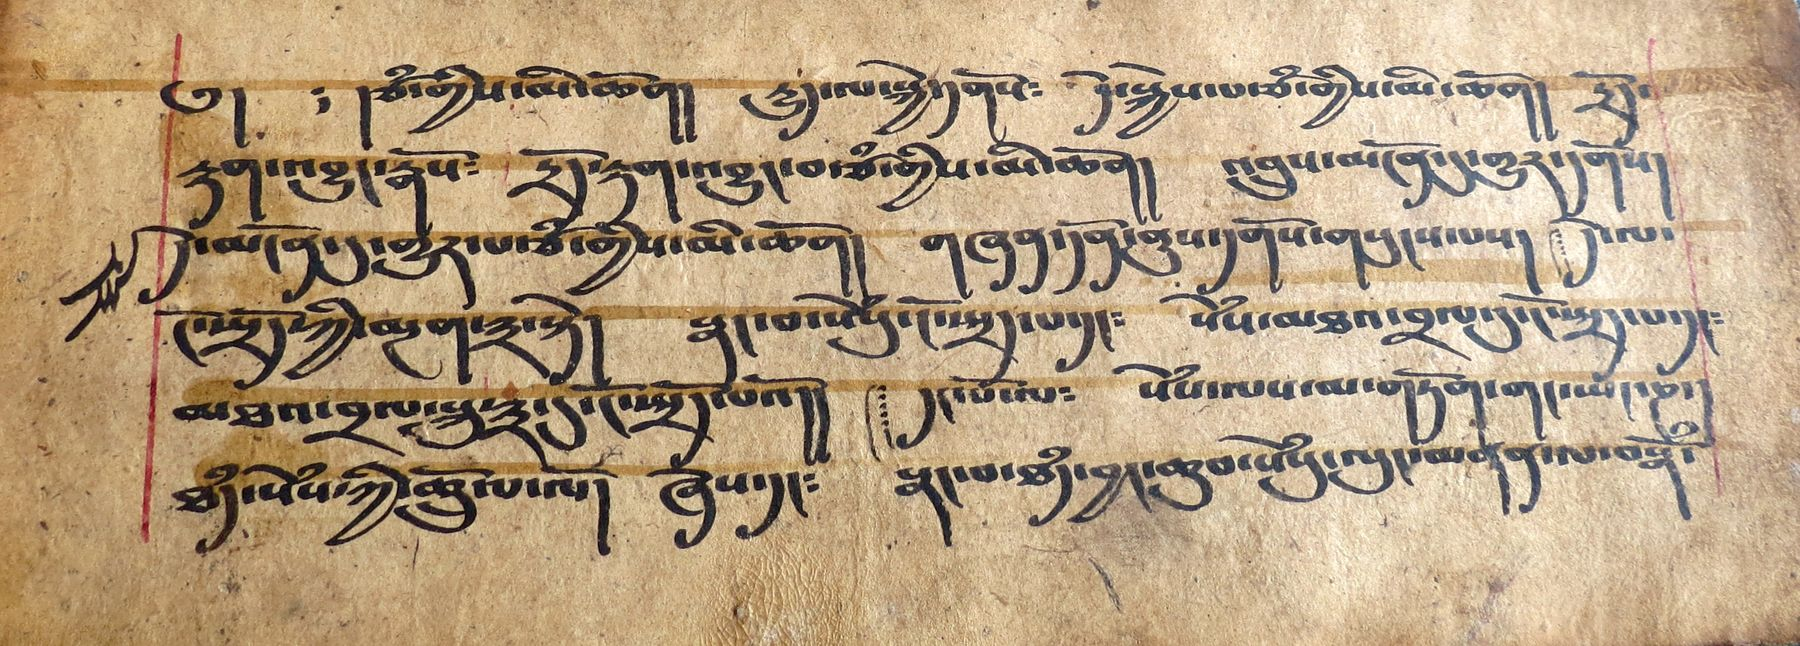ཙམ་གྱིས་མི་ཆོག། རྒྱུད་ལ་སྐྱེ་དགོས། དེ་སྐྱེས་པ་ཙམ་གྱིས་མི་ཆོག། དྲོད་
རྟགས་འབྱུང་དགོས། དྲོད་རྟགས་བྱུང་བ་ཙམ་གྱིས་མི་ཆོག། འབྲས་བུ་མངོན་དུ་གྱུར་དགོས། 
དེ་མངོན་དུ་གྱུར་པ་ཙམ་གྱིས་མི་ཆོག གཞན་དོན་ནུས་དགོས་གསུངས་པས། དེ་ལ་
ངོ་སྤྲོད་གྱི་མན་ངག་ལ་གསུམ་སྟེ། སྣང་བ་སེམས་སུ་ངོ་སྤྲད་པ་དང་། སེམས་མཐའ་བྲལ་དུ་ངོ་སྤྲད་པ་དང་། 
མཐའ་བྲལ་སྐུ་གསུམ་ངོ་སྤྲད་པའོ། ། དང་པོ་ལ། སེམས་ལ་མ་གཏོགས་གང་ཡང་མེད། 
ཐམས་ཅད་སེམས་ཀྱི་ཆོ་འཕྲུལ་ལོ། ། ཞེས་དང་། སྣང་བ་ཐམས་ཅད་བྱང་ཆུབ་སེམས་སུ་ལུང་མནན་ལ་སྒོམ་